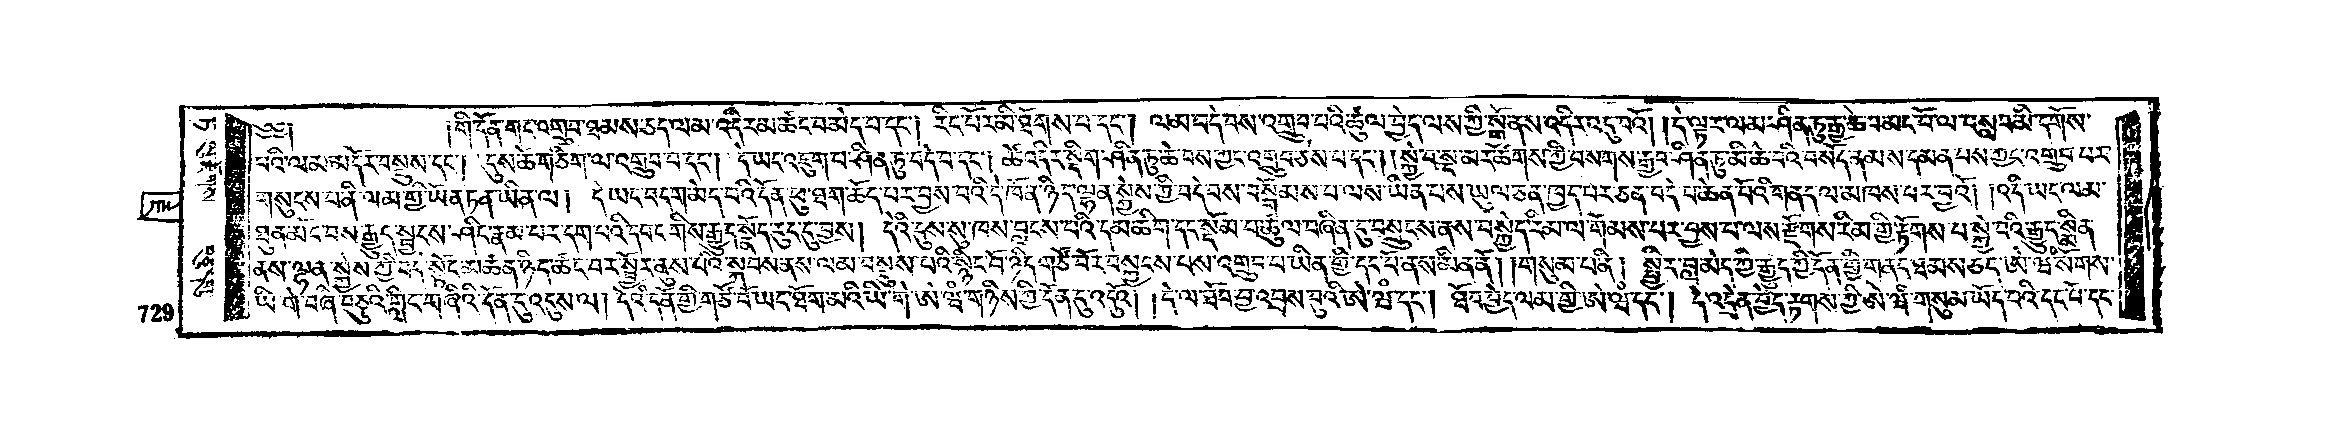༄༅། །གི་དོན་གང་འགྲུབ་ཐམས་ཅད་ལམ་འདིར་མ་ཚང་བ་མེད་བ་དང་། རིང་པོར་མི་ཐོགས་པ་དང་། ལམ་བདེ་བས་འགྲུབ་པའི་ཚུལ་བྱེད་ལས་ཀྱི་སྒོ་ནས་འདིར་འདུ་བའོ། །དེ་ལྟར་ལམ་ཤིན་ཏུ་རྒྱ་ཆ་བ་མང་པོ་ལ་བསླབ་མི་དགོས་
པའི་ལམ་མདོར་བསྡུས་དང་། དུས་ཚེ་གཅིག་ལ་འགྲུབ་པ་དང་། དེ་ཡང་འཇུག་པ་ཤིན་ཏུ་བདེ་བ་དང་། ཚེ་འདིར་སྡིག་ཤིན་ཏུ་ཆེ་བས་ཀྱང་འགྲུབ་ཅེས་པ་དང་། །སྐྱེ་བ་སྔ་མར་ཚོགས་ཀྱི་བསགས་རྒྱབ་ཤིན་ཏུ་མི་ཆེ་བའི་བསོད་ནམས་དམན་པས་ཀྱང་འགྲུབ་པར་
གསུངས་པ་ནི་ལམ་གྱི་ཡོན་ཏན་ཡིན་ལ། དེ་ཡང་བདག་མེད་པའི་དོན་ཕུ་ཐག་ཆོད་པར་བྱས་པའི་དེ་ཁོ་ན་ཉིད་ལྷན་སྐྱེས་ཀྱི་བདེ་བས་བསྒོམས་པ་ལས་ཡིན་པས་ཡུལ་ཅན་ཁྱད་པར་ཅན་བདེ་བ་ཆེན་པོའི་གནད་ལ་མཁས་པར་བྱའོ། །འདི་ཡང་ལམ་
ཐུན་མོང་བས་རྒྱུད་སྦྱངས་ཤིང་རྣམ་པར་དག་པའི་དབང་གིས་རྒྱུད་སྣོད་རུང་དུ་བྱས། དེའི་དུས་སུ་ཁས་བླངས་པའི་དམ་ཚིག་དང་སྡོམ་པ་ཚུལ་བཞིན་དུ་བསྲུངས་ནས་བསྐྱེད་རིམ་ལ་གོམས་པར་བྱས་པ་ལས་རྫོགས་རིམ་གྱི་རྟོགས་པ་སྐྱེ་བའི་རྒྱུད་སྨིན་
ནས་ལྷན་སྐྱེས་ཀྱི་བདེ་སྟོང་མཚན་ཉིད་ཚང་བར་སྦྱོར་ནུས་པའི་སྐབས་ནས་ལམ་བསྡུས་པའི་སྙིང་པོ་ཉིད་གཙོ་བོར་བསྐྱངས་པས་འགྲུབ་པ་ཡིན་གྱི་དང་པོ་ནས་མིན་ནོ། །གསུམ་པ་ནི། སྤྱིར་བླ་མེད་ཀྱི་རྒྱུད་ཀྱི་དོན་གྱི་གནད་ཐམས་ཅད་ཨེ་ཝ་སོགས་
ཡི་གེ་བཞི་བཅུའི་གླེང་གཞིའི་དོན་དུ་འདུས་ལ། དེའི་དོན་གྱི་གཙོ་བོ་ཡང་ཐོག་མའི་ཡི་གེ་ཨེ་ཝཾ་གཉིས་ཀྱི་དོན་དུ་འདུའོ། །དེ་ལ་ཐོབ་བྱ་འབྲས་བུའི་ཨེ་ཝཾ་དང་། ཐོབ་བྱེད་ལམ་གྱི་ཨེ་ཝཾ་དང་། དེ་འདྲེན་བྱེད་རྟགས་ཀྱི་ཨེ་ཝཾ་གསུམ་ཡོད་པའི་དང་པོ་དང་